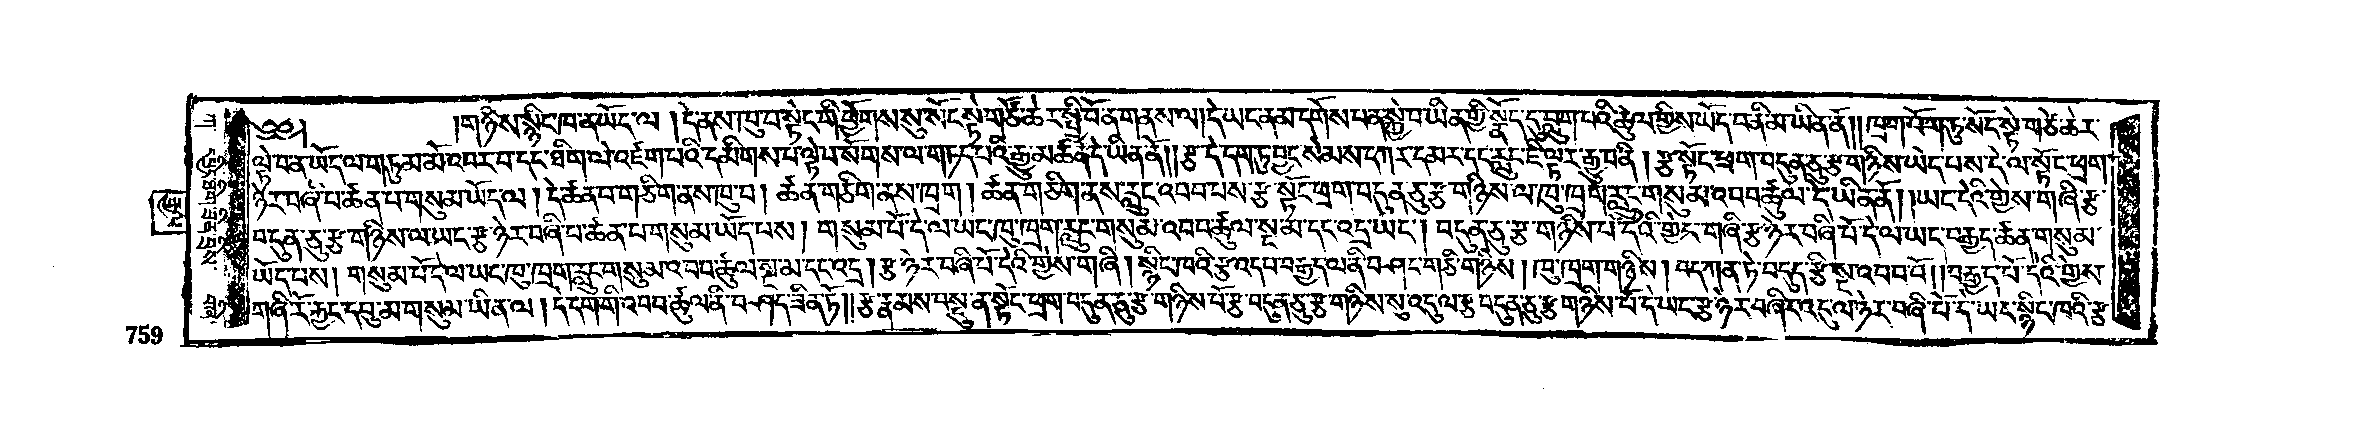༄༅། །གཉིས་སྙིང་ཁ་ན་ཡོད་ལ། དེ་ནས་ཁུ་བ་སྟེང་གི་ཕྱོགས་སུ་སོང་སྟེ་གཙོ་ཆེར་སྤྱི་བོ་ན་གནས་ལ། དེ་ཡང་ནམ་དགོས་པ་ན་སྐྱེ་བ་ཡིན་གྱི་སྣོད་དུ་བླུག་པའི་ཚུལ་གྱིས་ཡོད་པ་ནི་མ་ཡིན་ནོ། །ཁྲག་འོག་ཏུ་སོང་སྟེ་གཙེ་ཆེར་
ལྟེ་བ་ན་ཡོད་ལ་གཏུམ་མོ་འབར་བ་དང་ཐིག་ལེ་འཛག་པའི་དམིགས་པ་ལྟེ་བ་སོགས་ལ་གཏད་པའི་རྒྱུ་མཚན་དེ་ཡིན་ནོ། །རྩ་དེ་དག་ཏུ་བྱང་སེམས་དཀར་དམར་དང་རླུང་ཇི་ལྟར་རྒྱུ་བ་ནི། རྩ་སྟོང་ཕྲག་བདུན་ཅུ་རྩ་གཉིས་ཡོད་པས་དེ་ལ་སྟོང་ཕྲག་
ཉེར་བཞི་པ་ཚན་པ་གསུམ་ཡོད་ལ། དེ་ཚན་པ་གཅིག་ནས་ཁུ་བ། ཚན་གཅིག་ནས་ཁྲག །ཚན་གཅིག་ནས་རླུང་འབབ་པས་རྩ་སྟོང་ཕྲག་བདུན་ཅུ་རྩ་གཉིས་ལ་ཁུ་ཁྲག་གི་རླུང་གསུམ་འབབ་ཚུལ་དེ་ཡིན་ནོ། །ཡང་དེའི་གྱིས་གཞི་རྩ་
བདུན་ཅུ་རྩ་གཉིས་ལ་ཡང་རྩ་ཉེར་བཞི་པ་ཚན་པ་གསུམ་ཡོད་པས། གསུམ་པོ་དེ་ལ་ཡང་ཁུ་ཁྲག་རླུང་གསུམ་འབབ་ཚུལ་སྔ་མ་དང་འདྲ་ཡང་། བདུན་ཅུ་རྩ་གཉིས་པོ་དེའི་གྱེང་གཞི་རྩ་ཉེར་བཞི་པོ་དེ་ལ་ཡང་བརྒྱད་ཚན་གསུམ་
ཡོད་པས། གསུམ་པོ་དེ་ལ་ཡང་ཁུ་ཁྲག་རླུང་གསུམ་འབབ་ཚུལ་སྔ་མ་དང་འདྲ། རྩ་ཉེར་བཞི་པོ་དེའི་གྱིས་གཞི། སྙིང་ཁའི་རྩ་འདབ་བརྒྱད་ལ་ནི་བཤད་གཅི་གཉིས། ཁུ་ཁྲག་གཉིས། བད་ཀན་ཏེ་བདུད་རྩི་སྔ་འབབ་བོ། །བརྒྱད་པོ་དེའི་གྱིས་
གཞི་རོ་རྐྱང་དབུ་མ་གསུམ་ཡིན་ལ། དེ་དག་གི་འབབ་ཚུལ་ནི་བཤད་ཟིན་ཏོ། །རྩ་རྣམས་བསྡུ་ན་སྟོང་ཕྲག་བདུན་ཅུ་རྩ་གཉིས་པོ་རྩ་བདུན་ཅུ་རྩ་གཉིས་སུ་འདུ་ལ་རྩ་བདུན་ཅུ་རྩ་གཉིས་པོ་དེ་ཡང་རྩ་ཉེར་བཞིར་འདུ་ལ་ཉེར་བཞི་པོ་དེ་ཡང་སྙིང་ཁའི་རྩ་